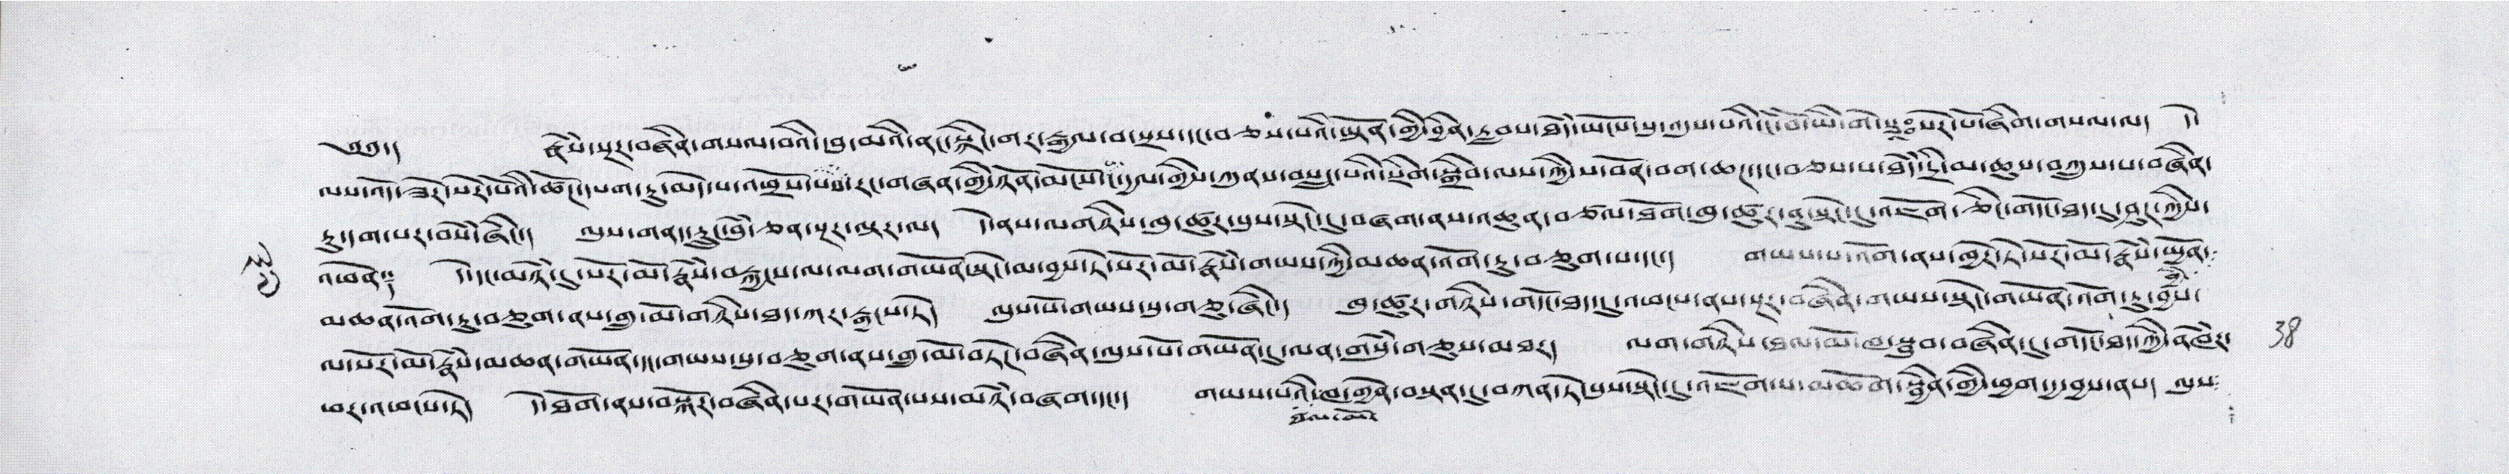རྣམས་སྔར་བཞིན་གསལ་བའི་དབུ་མའི་ནང་སྙིང་གར་རྒྱལ་བ་སྲས་དང་བཅས་པའི་ཡོན་ཏན་གྱི་བྱིན་རླབས་ཐམས་ཅད་ཡོངས་སུ་འདུས་པའི་ངོ་བོ་ཡི་གེ་སྭཱཿསེར་པོ་ཞིག་གསལ་ལ། དེ་
ལས་འོད་ཟེར་སེར་པོའི་ཚོགས་དཔག་ཏུ་མེད་པ་འཕྲོས་པས་རང་གཞན་གྱི་ཉོན་མོངས་པ་ང་རྒྱལ་གྱིས་ཀུན་ནས་བསླངས་པའི་སྡིག་སྒྲིབ་ལས་ཀྱི་ས་བོན་བག་ཆགས་དང་བཅས་པ་ཐམས་ཅད་དྲི་མ་ཆུས་བཀྲུས་པ་བཞིན་
དུ་དག་པར་བསམ་ཞིང་། ལུས་གནད་རླུང་བུམ་ཅན་སྔར་ལྟར་ལ། དེ་ནས་ལག་གཉིས་ཁུ་ཚུར་པུས་སྟེང་དུ་བཞག་ནས་འཆུན་བཙལ་ཐོག་ཁུ་ཚུར་ནུ་སྟེང་དུ་འཇོག་ཅིང་གདོང་ཐད་དུ་ཤུགས་ཀྱིས་
འཕེན། དེ་དང་མཉམ་དུ་སོར་མོ་རྣམས་བརྐྱངས་ལ་ལག་གཡོན་སྟེང་མ་བྱས་ཏེ་སོར་མོ་རྣམས་གཡས་ཀྱི་མཆན་འོག་ཏུ་བཅུག་པ་དང་། གཡས་པ་འོག་ནས་ཁྱེར་ཏེ་སོར་མོ་རྣམས་གཡོན་
མཆན་འོག་ཏུ་བཅུག་ནས་གྲུ་མོ་གཉིས་ཐད་ཀར་བརྒྱངས་ཏེ། ལུས་པོ་གཡས་སུ་གཅུ་ཞིང་། ཁུ་ཚུར་གདོང་ཐད་དུ་འཕངས་ནས་སྔར་བཞིན་གཡས་སྟེང་གཡོན་འོག་ཏུ་བྱས་
ལ་སོར་མོ་རྣམས་མཆན་གཡས་དང་གཡོན་དུ་བཅུག་ནས་གྲུ་མོ་བཏེགས་བཞིན་ལུས་པོ་གཡོན་དུ་ལན་གསུམ་གཅུས་མཐར། ལག་གཉིས་ཐལ་མོ་ཁ་སྦུབས་བཞིན་དུ་གདོང་ཐད་ཀྱི་ནམ་མཁར་
ཕར་འཕངས་ཏེ། དེ་ཐོག་ནས་བསྐོར་བཞིན་པར་གཡོན་པས་མཉམ་གཞག་དང་། གཡས་པའི་ཐལ་མོ་ཁ་གྱེན་བསྟན་དུ་བཀན་ཏེ་པུས་སྟེང་དུ་འཇོག་པ་མཆོག་སྦྱིན་གྱི་ཕྱག་རྒྱ་བྱས་ནས་ལུས་